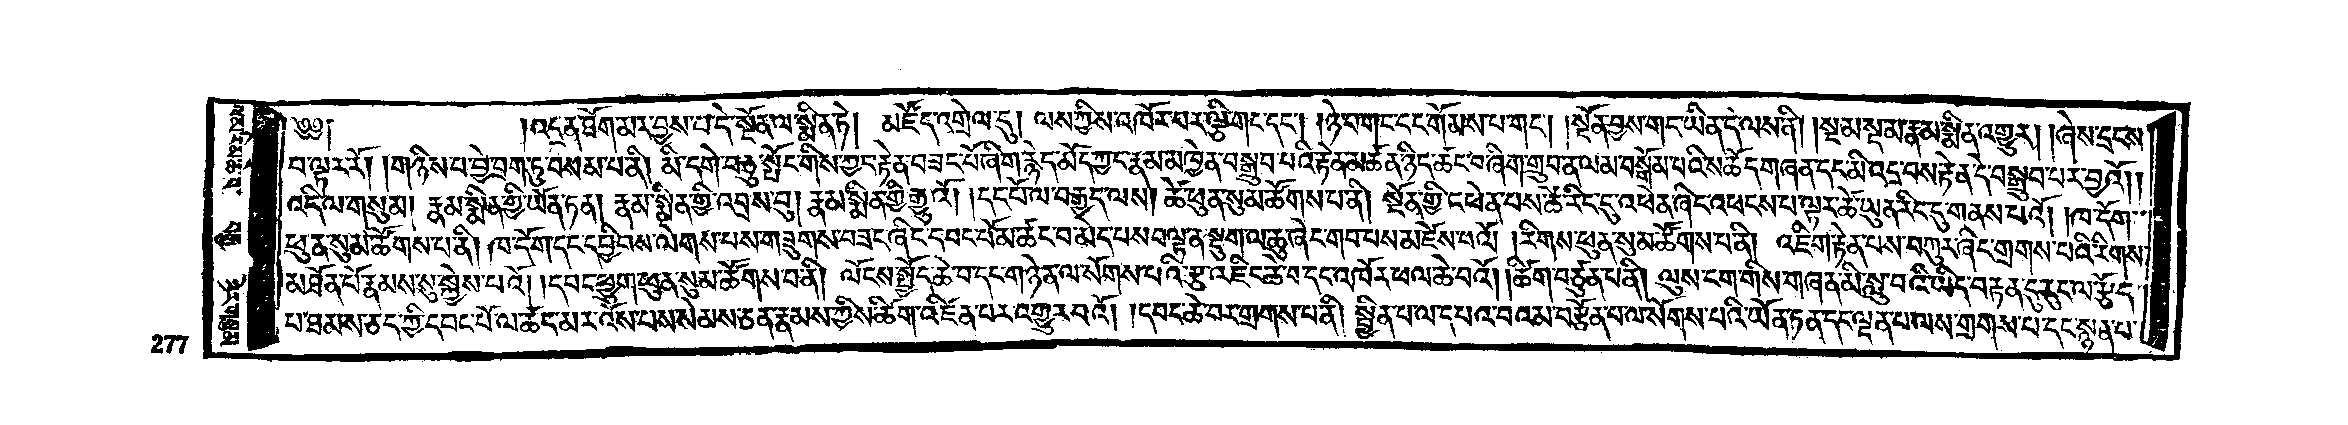༄༅། །འདྲ་ན་ཐོག་མར་བྱས་པ་དེ་སྔོན་ལ་སྨིན་ཏེ། མཛོད་འགྲེལ་དུ། ལས་ཀྱིས་འཁོར་བར་ལྕི་གང་དང་། །ཉེ་བ་གང་དང་གོམས་པ་གང་། །སྔོན་བྱས་གང་ཡིན་དེ་ལས་ནི། །སྔ་མ་སྔ་མ་རྣམ་སྨིན་འགྱུར། །ཞེས་དྲངས་
པ་ལྟར་རོ། །གཉིས་པ་བྱེ་བྲག་ཏུ་བསམ་པ་ནི། མི་དགེ་བཅུ་སྤོང་གིས་ཀྱང་རྟེན་བཟང་པོ་ཞིག་རྙེད་མོད་ཀྱང་རྣམ་མཁྱེན་བསྒྲུབ་པའི་རྟེན་མཚན་ཉིད་ཚང་བ་ཞིག་གྲུབ་ན་ལམ་བསྒོམ་པའི་ས་ཆོད་གཞན་དང་མི་འདྲ་བས་རྟེན་དེ་བསྒྲུབ་པར་བྱའོ། །
འདི་ལ་གསུམ། རྣམ་སྨིན་གྱི་ཡོན་ཏན། རྣམ་སྨིན་གྱི་འབྲས་བུ། རྣམ་སྨིན་གྱི་རྒྱུའོ། །དང་པོ་ལ་བརྒྱད་ལས། ཚེ་ཕུན་སུམ་ཚོགས་པ་ནི། སྔོན་གྱི་འཕེན་པས་ཚེ་རིང་དུ་འཕེན་ཞིང་འཕངས་པ་ལྟར་ཚེ་ཡུན་རིང་དུ་གནས་པའོ། །ཁ་དོག་
ཕུན་སུམ་ཚོགས་པ་ནི། ཁ་དོག་དང་དབྱིབས་ལེགས་པས་གཟུགས་བཟང་ཞིང་དབང་པོ་མ་ཚང་བ་མེད་པས་བལྟ་ན་སྡུག་ལ་ཆུ་ཞེང་གབ་པས་མཛེས་པའོ། །རིགས་ཕུན་སུམ་ཚོགས་པ་ནི། འཇིག་རྟེན་པས་བཀུར་ཞིང་གྲགས་པའི་རིགས་
མཐོན་པོ་རྣམས་སུ་སྐྱེས་པའོ། །དབང་ཕྱུག་ཕུན་སུམ་ཚོགས་པ་ནི། ལོངས་སྤྱོད་ཆེ་བ་དང་གཉེན་ལ་སོགས་པའི་རྩ་འཇིང་ཆེ་བ་དང་འཁོར་ཕལ་ཆེ་བའོ། །ཚིག་བཙུན་པ་ནི། ལུས་ངག་གིས་གཞན་མི་སླུ་བའི་ཡིད་བརྟན་དུ་རུང་ལ་རྩོད་
པ་ཐམས་ཅད་ཀྱི་དབང་པོ་ལ་ཚད་མར་འོས་པས་སེམས་ཅན་རྣམས་ཀྱིས་ཚིག་འཛིན་པར་འགྱུར་བའོ། །དབང་ཆེ་བར་གྲགས་པ་ནི། སྦྱིན་པ་ལ་དཔའ་བའམ་བརྩོན་པ་ལ་སོགས་པའི་ཡོན་ཏན་དང་ལྡན་པ་ལས་གྲགས་པ་དང་སྙན་པ་